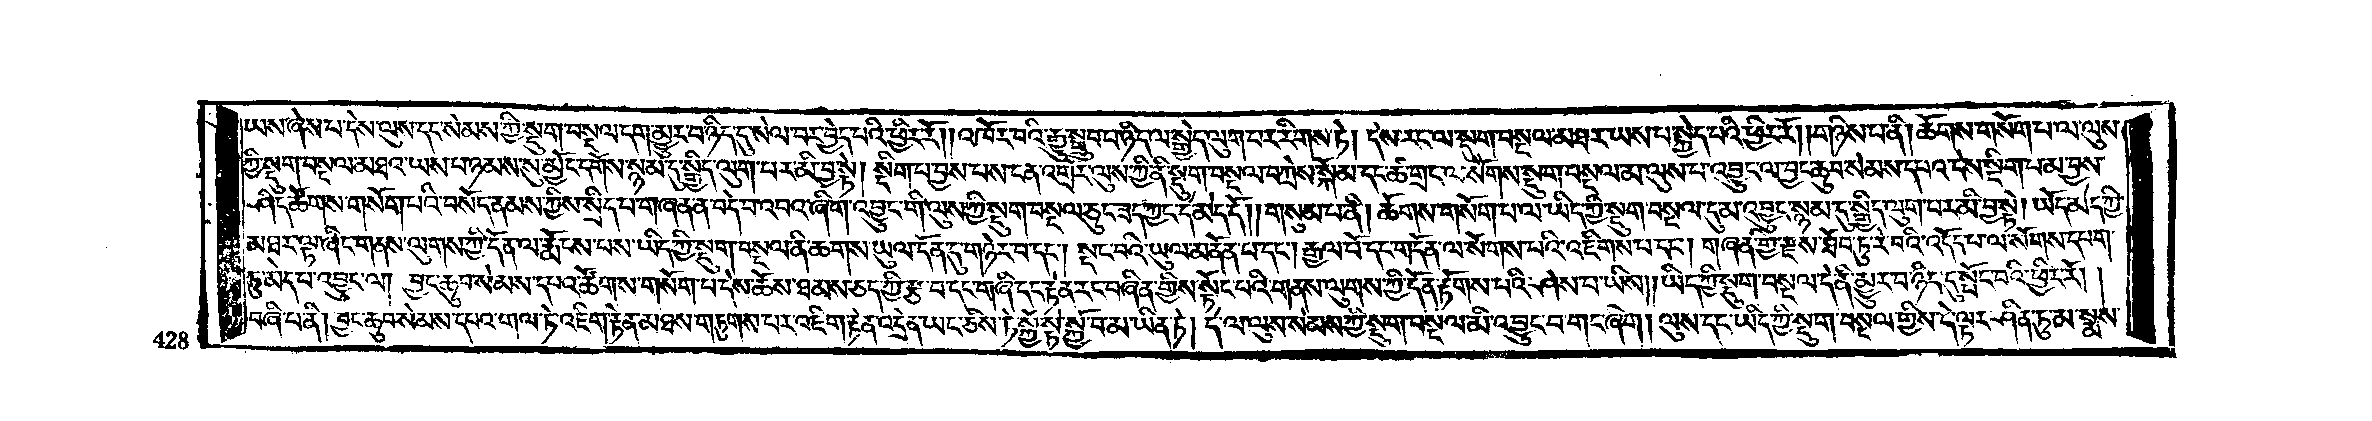ཡས་ཞེས་པ་དེས་ལུས་དང་སེམས་ཀྱི་སྡུག་བསྔལ་དག་མྱུར་བ་ཉིད་དུ་སེལ་བར་བྱེད་པའི་ཕྱིར། །འཁོར་བའི་རྒྱུ་སྒྲུབ་པ་ཉིད་ལ་སྒྱེད་ལུག་པར་རིགས་ཏེ། དེས་རང་ལ་སྡུག་བསྔལ་མཐར་ཡས་པ་སྐྱེད་པའི་ཕྱིར་རོ། །གཉིས་པ་ནི། ཚོགས་གསོག་པ་ལ་ལུས་
ཀྱི་སྡུག་བསྔལ་མཐའ་ཡས་པ་ཉམས་སུ་མྱོང་དགོས་སྙམ་དུ་སྒྱིད་ལུག་པར་མི་བྱ་སྟེ། སྡིག་པ་བྱས་པས་ངན་འགྲོར་ལུས་ཀྱི་ནི་སྡུག་བསྔལ་བཀྲེད་སྐོམ་དང་ཚ་གྲང་ལ་སོགས་སྡུག་བསྔལ་མ་ལུས་པ་འབྱུང་ལ་བྱང་ཆུབ་སེམས་དཔའ་དེས་སྡིག་པ་མ་བྱས་
ཤེད་ཚོགས་གསོག་པའི་བསོད་ནམས་ཀྱིས་སྲིད་པ་གཞན་བདེ་བ་འབའ་ཞིག་འབྱུང་གི་ལུས་ཀྱི་སྡུག་བསྔལ་ཅུང་ཟད་ཀྱང་དེ་མེད་དོ། །གསུམ་པ་ནི། ཚོགས་གསོག་པ་ལ་ཡིད་ཀྱི་སྡུག་བསྔལ་དུ་མ་འབྱུང་སྙམ་དུ་སྒྱིད་ལུག་པར་མི་བྱ་སྟེ། ཡོད་མེད་ཀྱི་
མཐར་ལྟ་ཞིང་གནས་ལུགས་ཀྱི་དོན་ལ་རྨོངས་པས་ཡིད་ཀྱི་སྡུག་བསྔལ་ནི་ཆགས་ཡུལ་དོན་དུ་གཉེར་བ་དང་། སྡང་བའི་ཡུལ་མནོན་པ་དང་། རྒྱལ་པོ་དང་གདོན་ལ་སོགས་པའི་འཇིགས་པ་དང་། གཞན་གྱི་རྫས་ཐོབ་ཏུ་རེ་བའི་འདོད་པ་ལ་སོགས་དཔག་
ཏུ་མེད་པ་འབྱུང་ལ། བྱང་ཆུབ་སེམས་དཔའ་ཚོགས་གསོག་པ་དེས་ཆོས་ཐམས་ཅད་ཀྱི་རྩ་བ་དང་གཞི་དང་རྟེན་རང་བཞིན་གྱིས་སྟོང་པའི་གནས་ལུགས་ཀྱི་དོན་རྟོགས་པའི་ཤེས་པ་ཡིས། །ཡིད་ཀྱི་སྡུག་བསྔལ་དེ་ནི་མྱུར་བ་ཉིད་དུ་སྤོང་བའི་ཕྱིར་རོ། །
བཞི་པ་ནི། བྱང་ཆུབ་སེམས་དཔའ་གལ་ཏེ་འཇིག་རྟེན་མཐས་གཏུགས་པར་འཇིག་རྟེན་འདྲེན་ཡང་ཅིས་ཏེ་སྐྱོ་སྟེ་སྐྱོ་བ་མ་ཡིན་ཏེ། དེ་ལ་ལུས་སེམས་ཀྱི་སྡུག་བསྔལ་མི་འབྱུང་བ་གང་ཞིག །ལུས་དང་ཡིད་ཀྱི་སྡུག་བསྔལ་གྱིས་དེ་ལྟར་ཤིན་ཏུ་མ་སྨྲས་